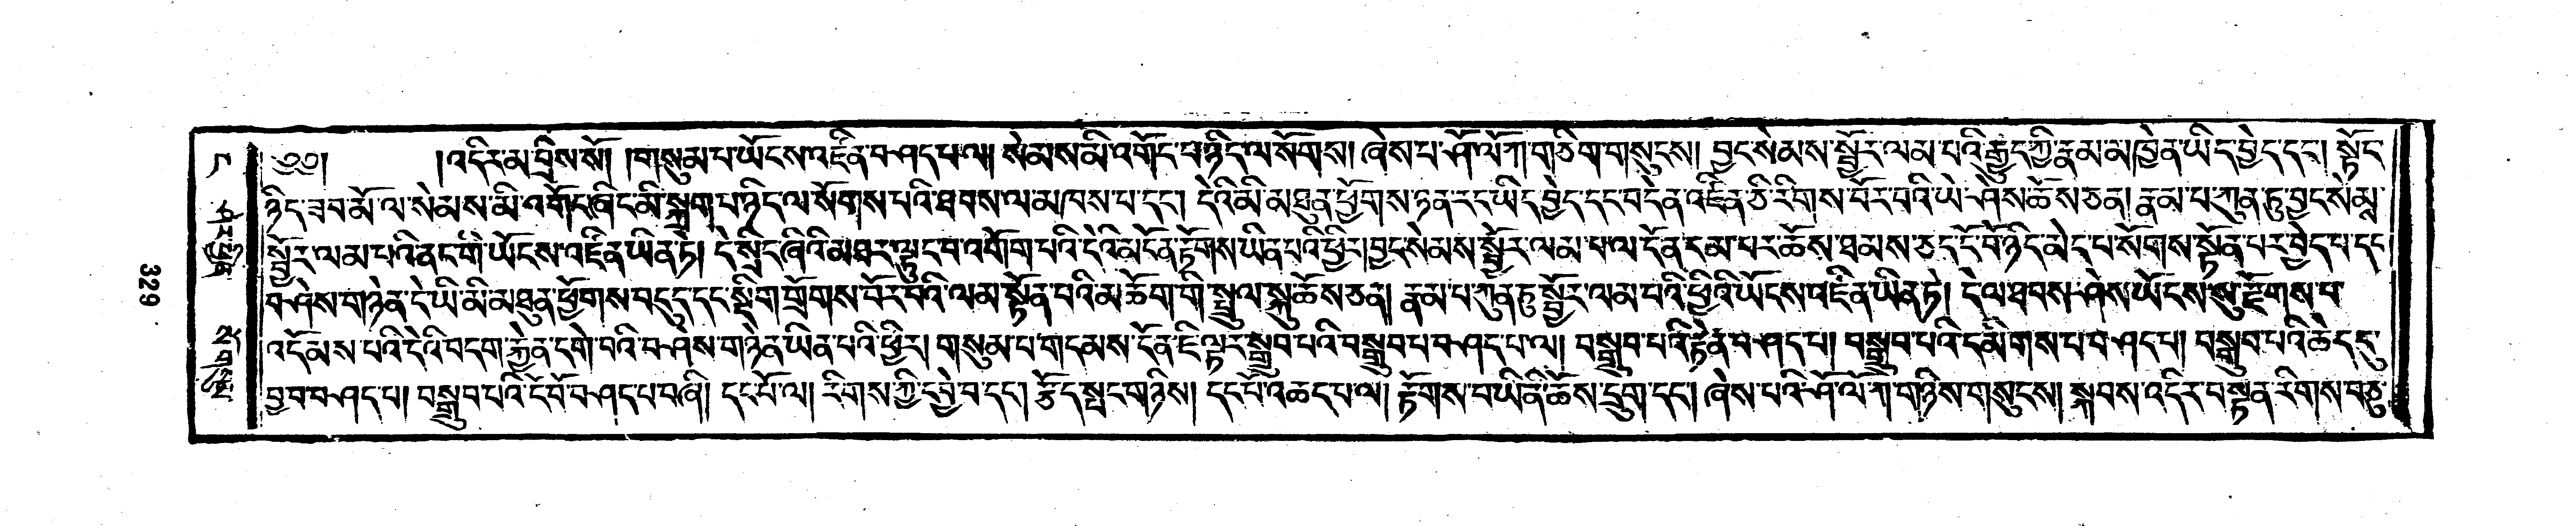༄༅། །འདིར་མ་བྲིས་སོ། །གསུམ་པ་ཡོངས་འཛིན་བཤད་པ་ལ། སེམས་མི་འགོང་པ་ཉིད་ལ་སོགས། ཞེས་པ་ཤོ་ལོ་ཀ་གཅིག་གསུངས། བྱང་སེམས་སྦྱོར་ལམ་པའི་རྒྱུད་ཀྱི་རྣམ་མཁྱེན་ཡིད་བྱེད་དང་། སྟོང་
ཉིད་ཟབ་མོ་ལ་སེམས་མི་འགོང་ཞིང་མི་སྐྲག་པ་ཉིད་ལ་སོགས་པའི་ཐབས་ལ་མཁས་པ་དང་། དེའི་མི་མཐུན་ཕྱོགས་ཉན་རང་ཡིད་བྱེད་དང་བདེན་འཛིན་ཅི་རིགས་བོར་བའི་ཡེ་ཤེས་ཆོས་ཅན། རྣམ་པ་ཀུན་ཏུ་བྱང་སེམས་
སྦྱོར་ལམ་པའི་ནང་གི་ཡོངས་འཛིན་ཡིན་ཏེ། དེ་སྲིད་ཞིའི་མཐར་ལྟུང་བ་འགོག་པའི་དེའི་མངོན་རྟོགས་ཡིན་པའི་ཕྱིར། བྱང་སེམས་སྦྱོར་ལམ་པ་ལ་དོན་དམ་པར་ཆོས་ཐམས་ཅད་ངོ་བོ་ཉིད་མེད་པ་སོགས་སྟོན་པར་བྱེད་པ་དང་
བཤེས་གཉེན་དེ་ཡི་མི་མཐུན་ཕྱོགས་བདུད་དང་སྡིག་གྲོགས་བོར་བའི་ལམ་སྟོན་པའི་མཆོག་གི་སྤྲུལ་སྐུ་ཆོས་ཅན། རྣམ་པ་ཀུན་ཏུ་སྦྱོར་ལམ་པའི་ཕྱིའི་ཡོངས་འཛིན་ཡིན་ཏེ། དེ་ལ་ཐབས་ཤེས་ཡོངས་སུ་རྫོགས་པ་
འདོམས་པའི་དེའི་བདག་རྐྱེན་དགེ་བའི་བཤེས་གཉེན་ཡིན་པའི་ཕྱིར། གསུམ་པ་གདམས་དོན་ཇི་ལྟར་སྒྲུབ་པའི་བསྒྲུབ་པ་བཤད་པ་ལ། བསྒྲུབ་པའི་རྟེན་བཤད་པ། བསྒྲུབ་པའི་དམིགས་པ་བཤད་པ། བསྒྲུབ་པའི་ཆེད་དུ་
བྱ་བ་བཤད་པ། བསྒྲུབ་པའི་ངོ་བོ་བཤད་པ་བཞི། དང་པོ་ལ། རིགས་ཀྱི་དབྱེ་བ་དང་། རྩོད་སྤང་གཉིས། དང་པོ་འཆད་པ་ལ། རྟོགས་པ་ཡི་ནི་ཆོས་དྲུག་དང་། ཞེས་པའི་ཤོ་ལོ་ཀ་གཉིས་གསུངས། སྐབས་འདིར་བསྟན་རིགས་བཅུ་